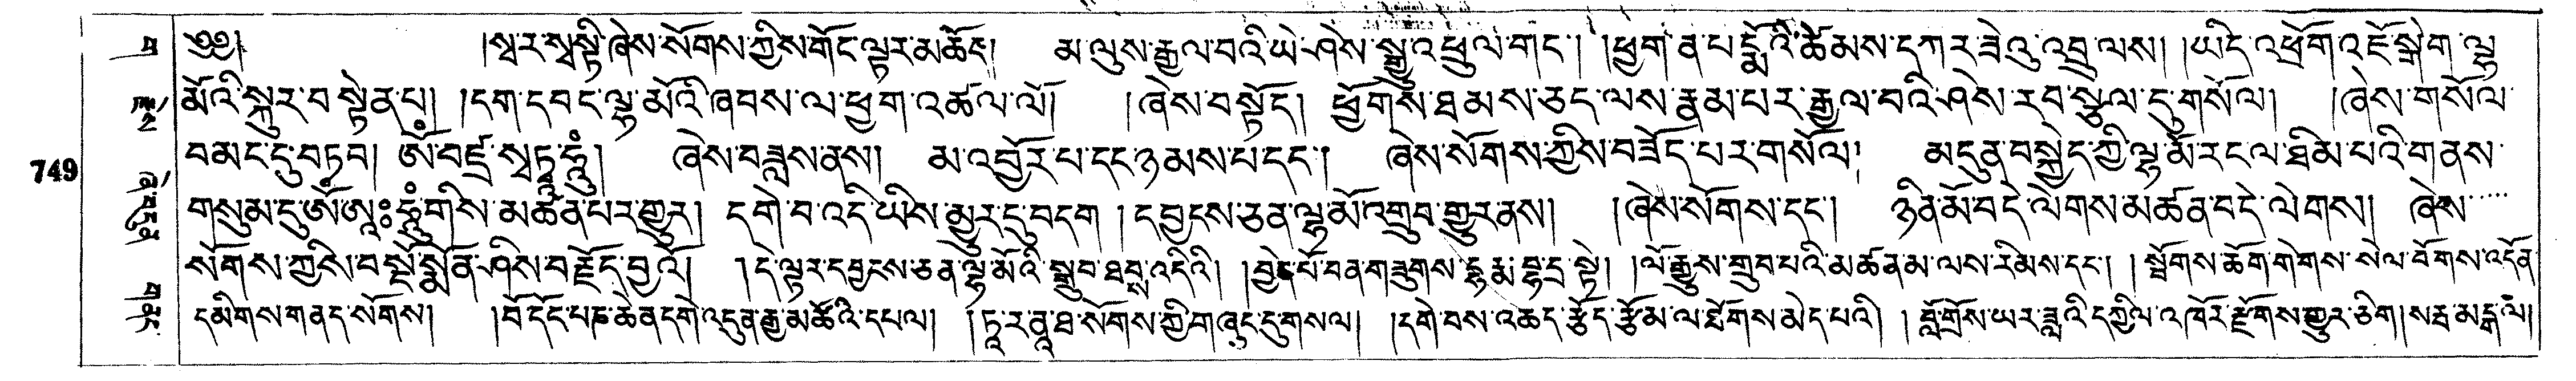སྭ་ར་སྭ་སྟི་ཞེས་སོགས་ཀྱིས་གོང་ལྟར་མཆོད། མ་ལུས་རྒྱལ་བའི་ཡེ་ཤེས་སྒྱུ་འཕྲུལ་གང་། །ཕྱག་ན་པདམོའི་ཚེམས་དཀར་ཟེའུ་འབྲུ་ལས། །ཡིད་འཕྲོག་འཇོ་སྒེག་ལྷ་
མོའི་སྐུར་བསྟེན་པ། །ངག་དབང་ལྷ་མོའི་ཞབས་ལ་ཕྱག་འཚལ་ལོ། །ཞེས་བསྟོད། ཕྱོགས་ཐམས་ཅད་ལས་རྣམ་པར་རྒྱལ་བའི་ཤེས་རབ་སྩལ་དུ་གསོལ། །ཞེས་གསོལ་
བ་མང་དུ་བཏབ། ཨོཾ་བཛྲ་སྭཏྭཱ་ཧཱུཾ། ཞེས་བཟླས་ནས། མ་འབྱོར་པ་དང་ཉམས་པ་དང་། ཞེས་སོགས་ཀྱིས་བཟོད་པར་གསོལ། མདུན་བསྐྱེད་ཀྱི་ལྷ་མོ་རང་ལ་ཐིམ་པའི་གནས་
གསུམ་དུ་ཨོཾ་ཨཱཿ ཧཱུཾ་གིས་མཚན་པར་གྱུར། དགེ་བ་འདི་ཡིས་མྱུར་དུ་བདག །དབྱངས་ཅན་ལྷ་མོ་འགྲུབ་གྱུར་ནས། །ཞེས་སོགས་དང་། ཉིན་མོ་བདེ་ལེགས་མཚན་བདེ་ལེགས། ཞེས་
སོགས་ཀྱིས་བསྔོ་སྨོན་ཤིས་བརྗོད་བྱའོ། ། དེ་ལྟར་དབྱངས་ཅན་ལྷ་མོའི་སྒྲུབ་ཐབས་འདིའི། །བྱེད་པོ་བན་གཟུགས་དྷ་རྨ་བྷ་དྲ་སྟེ། །ལོ་རྒྱུས་གྲུབ་པའི་མཚན་མ་ལས་རིམས་དང་། །སྦོགས་ཆོག་གེགས་སེལ་བོགས་འདོན་
དམིགས་གནད་སོགས། །བོ་དོང་པཎ་ཆེན་དགེ་འདུན་རྒྱ་མཚོའི་དཔལ། །ཏཱ་ར་ནཱ་ཐ་སོགས་ཀྱི་གཞུང་དུ་གསལ། །དགེ་བས་འཆད་རྩོད་རྩོམ་ལ་ཐོགས་མེད་པའི། །བློ་གྲོས་ཡར་ཟླའི་དཀྱིལ་འཁོར་རྫོགས་གྱུར་ཅིག། སརྦ་མངྒ་ལཾ།